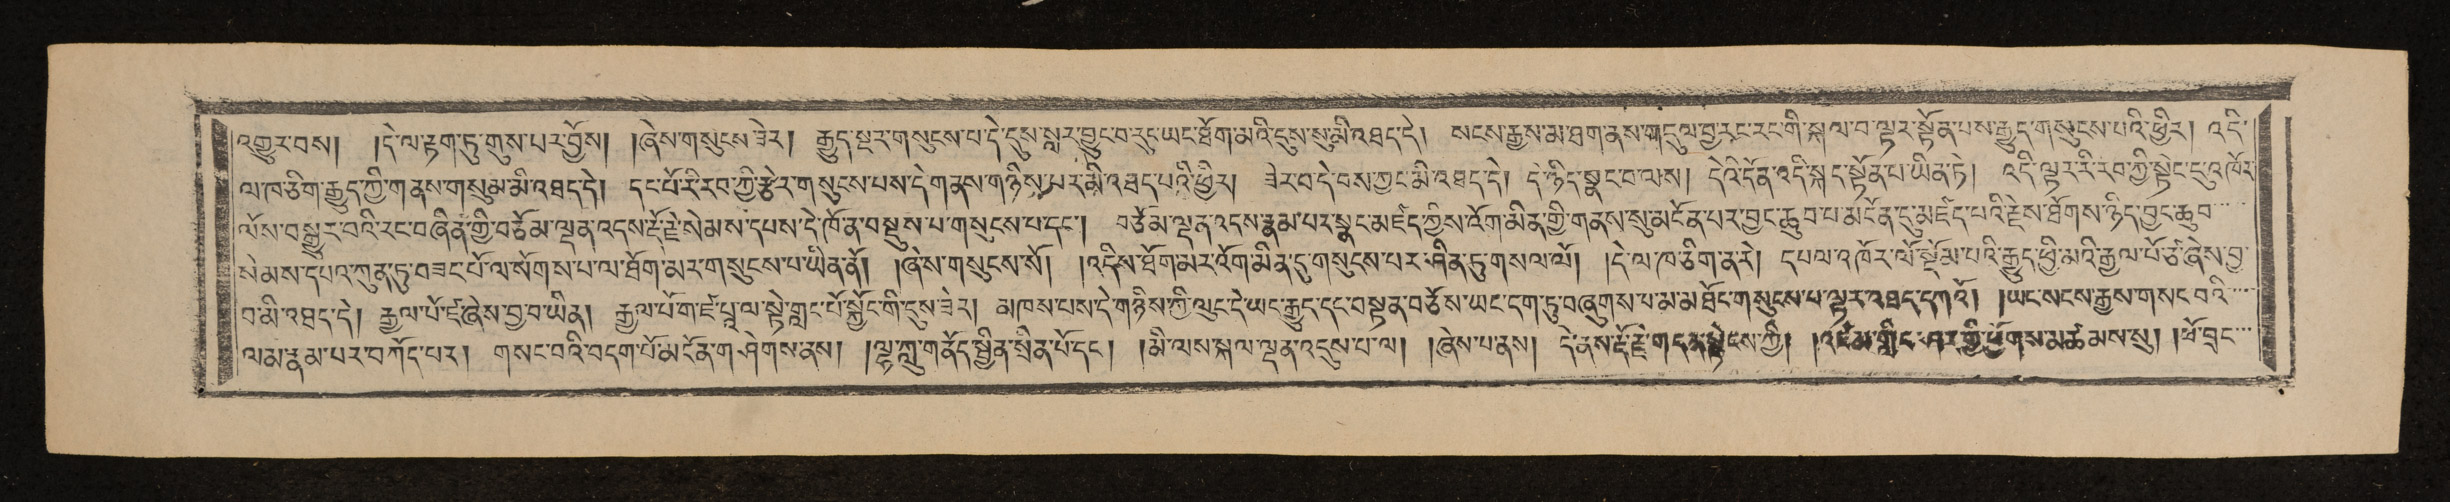འགྱུར་བས། །དེ་ལ་རྟག་ཏུ་གུས་པར་བྱོས། །ཞེས་གསུངས་ཟེར། རྒྱུད་སྔར་གསུངས་པ་དེ་དུས་སླར་བྱུང་བ་རུང་ཡང་ཐོག་མའི་དུས་སུ་མི་འཐད་དེ། སངས་རྒྱས་མ་ཐག་ནས་གདུལ་བྱ་རང་རང་གི་སྐལ་བ་ལྟར་སྟོན་པས་རྒྱུད་གསུངས་པའི་ཕྱིར། འདི་
ལ་ཁ་ཅིག་རྒྱུད་ཀྱི་གནས་གསུམ་མི་འཐད་དེ། དང་པོ་རི་རབ་ཀྱི་རྩེར་གསུངས་པས་དེ་གནས་གཉིས་པར་མི་འཐད་པའི་ཕྱིར། ཟེར་བ་དེ་བས་ཀྱང་མི་འཐད་དེ། དེ་ཉིད་སྣང་བ་ལས། དེའི་དོན་འདི་སྐད་སྟོན་པ་ཡིན་ཏེ། འདི་ལྟར་རི་རབ་ཀྱི་སྟེང་དུ་འཁོར་
ལོས་བསྒྱུར་བའི་རང་བཞིན་གྱི་བཅོམ་ལྡན་འདས་རྡོ་རྗེ་སེམས་དཔས་དེ་ཁོ་ན་བསྡུས་པ་གསུངས་པ་དང་། བཅོམ་ལྡན་འདས་རྣམ་པར་སྣང་མཛད་ཀྱིས་འོག་མིན་གྱི་གནས་སུ་མངོན་པར་བྱང་ཆུབ་པ་མངོན་དུ་མཛད་པའི་རྗེས་ཐོགས་ཉིད་བྱང་ཆུབ་
སེམས་དཔའ་ཀུན་ཏུ་བཟང་པོ་ལ་སོགས་པ་ལ་ཐོག་མར་གསུངས་པ་ཡིན་ནོ། །ཞེས་གསུངས་སོ། །འདིས་ཐོག་མར་འོག་མིན་དུ་གསུངས་པར་ཤིན་ཏུ་གསལ་ལོ། །དེ་ལ་ཁ་ཅིག་ན་རེ། དཔལ་འཁོར་ལོ་སྡོམ་པའི་རྒྱུད་ཕྱི་མའི་རྒྱལ་པོ་ཙ་ཞེས་བྱ་
བ་མི་འཐད་དེ། རྒྱལ་པོ་ཛ་ཞེས་བྱ་བ་ཡིན། རྒྱལ་པོ་ག་ཛ་པཱ་ལ་སྟེ་གླང་པོ་སྐྱོང་གི་དུས་ཟེར། མཁས་པས་དེ་གཉིས་ཀྱི་ལུང་དེ་ཡང་རྒྱུད་དང་བསྟན་བཅོས་ཡང་དག་ཏུ་བཞུགས་པ་མ་མཐོང་གསུངས་པ་ལྟར་འཐད་དཀའོ། །ཡང་སངས་རྒྱས་གསང་བའི་
ལམ་རྣམ་བར་བཀོད་པར། གསང་བའི་བདག་པོ་མངོན་གཤེགས་ནས། །ལྷ་གླུ་གནོད་སྦྱིན་སྲིན་པོ་དང་། །མི་ལས་སྐལ་ལྡན་འདུས་པ་ལ། །ཞེས་པ་ནས། དེ་ནས་རྡོ་རྗེ་གདན་སྟེངས་ཀྱི། །འཛམ་གླིང་ཤར་གྱི་ཕྱོགས་མཚམས་སུ། །ཕོ་བྲང་